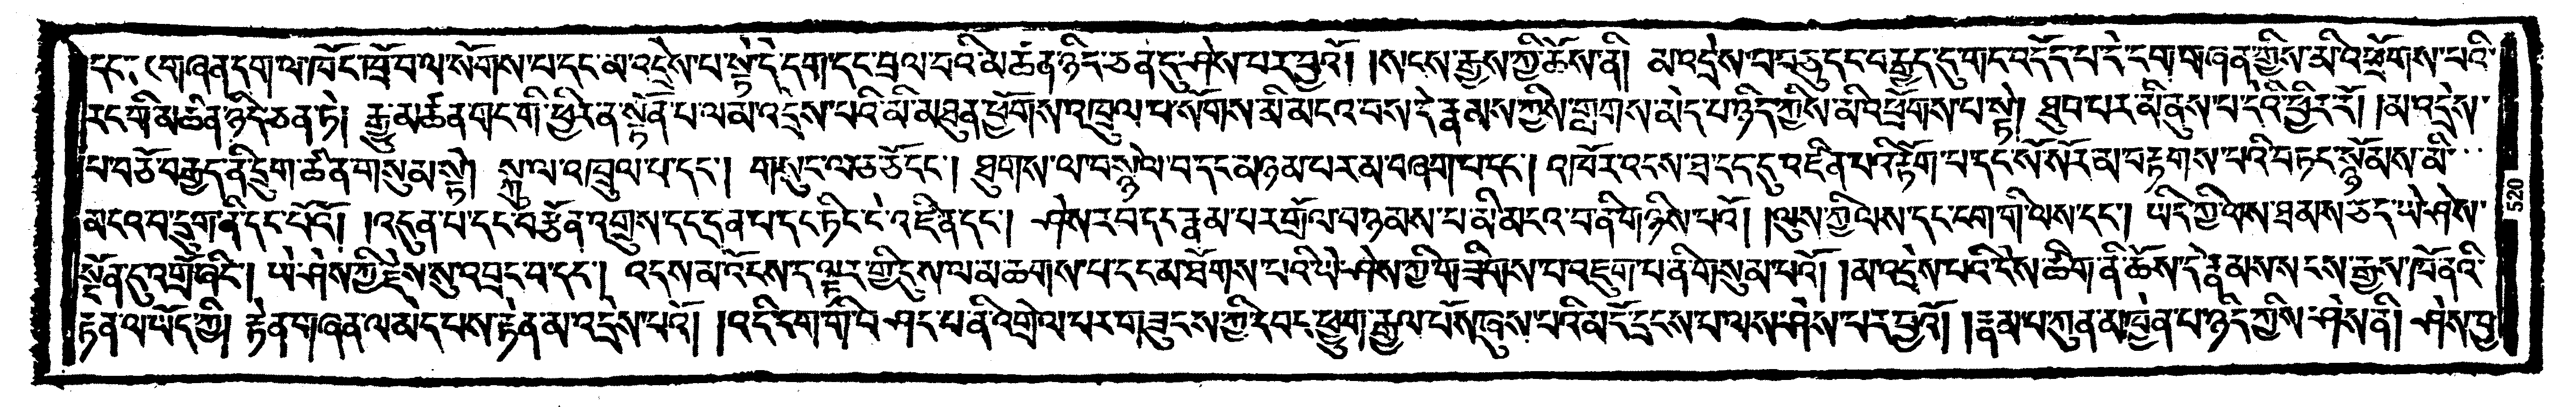དང༑ ༑གཞན་དག་ལ་ཁོང་ཁྲོ་བ་ལ་སོགས་པ་དང་མ་འདྲེས་པ་སྟེ་དེ་དག་དང་བྲལ་བའི་མཚན་ཉིད་ཅན་དུ་ཤེས་པར་བྱའོ། །སངས་རྒྱས་ཀྱི་ཆོས་ནི། མ་འདྲེས་པ་བཅུ་དང་བརྒྱད་དུ་གང་འདོད་པ་དེ་དག་གཞན་གྱིས་མི་འཕྲོགས་པའི་
རང་གི་མཚན་ཉིད་ཅན་ཏེ། རྒྱུ་མཚན་གང་གི་ཕྱིར་ན་སྟོན་པ་ལ་མ་འདྲེས་པའི་མི་མཐུན་ཕྱོགས་འཁྲུལ་པ་སོགས་མི་མངའ་བས་དེ་རྣམས་ཀྱིས་གླགས་མེད་པ་ཉིད་ཀྱིས་མི་འཕྲོགས་པ་སྟེ། ཐུབ་པར་མི་ནུས་པ་དེའི་ཕྱིར་རོ། །མ་འདྲེས་
པ་བཅོ་བརྒྱད་ནི་དྲུག་ཚན་གསུམ་སྟེ། སྐུ་ལ་འཁྲུལ་པ་དང་། གསུང་ལ་ཅ་ཅོ་དང་། ཐུགས་ལ་བསྙེལ་བ་དང་མཉམ་པར་མ་བཞག་པ་དང་། འཁོར་འདས་ཐ་དད་དུ་འཛིན་པའི་རྟོག་པ་དང་སོ་སོར་མ་བརྟགས་པའི་བཏང་སྙོམས་མི་
མངའ་བ་དྲུག་ནི་དང་པོའོ། འདུན་པ་དང་བརྩོན་འགྲུས་དང་དྲན་པ་དང་ཏིང་ངེ་འཛིན་དང་། ཤེས་རབ་དང་རྣམ་པར་གྲོལ་བ་ཉམས་པ་མི་མངའ་བ་ནི་གཉིས་པའོ། །ལུས་ཀྱི་ལས་དང་ངག་གི་ལས་དང་། ཡིད་ཀྱི་ལས་ཐམས་ཅད་ཡེ་ཤེས་
སྔོན་དུ་འགྲོ་ཞིང་། ཡེ་ཤེས་ཀྱི་རྗེས་སུ་འབྲང་བ་དང་། འདས་མ་འོངས་ད་ལྟར་གྱི་དུས་ལ་མ་ཆགས་པ་དང་མ་ཐོགས་པའི་ཡེ་ཤེས་ཀྱི་གཟིགས་པ་འཇུག་པ་ནི་གསུམ་པའོ། །མ་འདྲེས་པའི་ངེས་ཚིག་ནི་ཆོས་དེ་རྣམས་སངས་རྒྱས་ཁོ་ནའི་
རྟེན་ལ་ཡོད་ཀྱི། རྟེན་གཞན་ལ་མེད་པས་རྟེན་མ་འདྲེས་པའོ། །འདི་དག་གི་བཤད་པ་ནི་འགྲེལ་པར་གཟུངས་ཀྱི་དབང་ཕྱུག་རྒྱལ་པོས་ཞུས་པའི་མདོ་དྲངས་པ་ལས་ཤེས་པར་བྱའོ། །རྣམ་པ་ཀུན་མཁྱེན་པ་ཉིད་ཀྱི་ཡེ་ཤེས་ནི། ཤེས་བྱ་